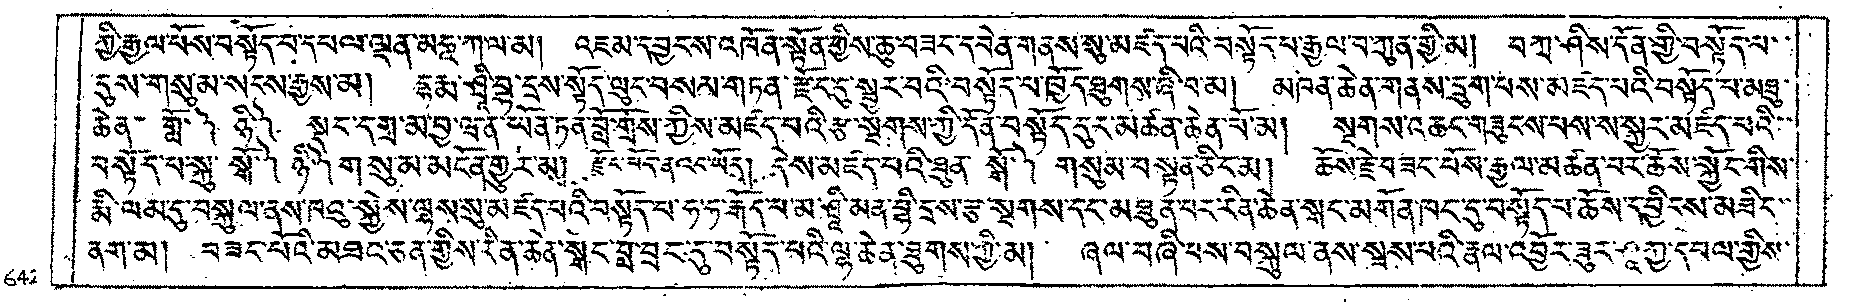ཀྱི་རྒྱལ་པོས་བསྟོད་པ་དཔལ་ལྡན་མཧཱ་ཀ་ལ་མ། འཇམ་དབྱངས་འཁོན་སྟོན་གྱིས་ཆུ་བཟང་དབེན་གནས་སུ་མཛད་པའི་བསྟོད་པ་རྒྱལ་བ་ཀུན་གྱི་མ། བཀྲ་ཤིས་དོན་གྱི་བསྟོད་པ་
དུས་གསུམ་སངས་རྒྱས་མ། དྷརྨ་ཤྲཱི་བྷ་དྲས་སྟོད་ལུང་བསམ་གཏན་རྫོང་དུ་སྦྱར་བའི་བསྟོད་པ་ཁྱོད་ཐུགས་ཞི་བ་མ། མཁན་ཆེན་གནས་དྲུག་པས་མཛད་པའི་བསྟོད་པ་མཐུ་
ཆེན་གླ྄ོ་ཉ྄ི་སྡང་དགྲ་མ་བྱ་ཝན་ཡོན་ཏན་བློ་གྲོས་ཀྱིས་མཛད་པའི་རྩ་སྔགས་ཀྱི་དོན་བསྟོད་དུར་མཚན་ཆེན་པོ་མ། སྔགས་འཆང་གཟུངས་པས་ས་སྐྱར་མཛད་པའི་
བསྟོད་པ་སྐུ་སྒ྄ོ་ཉ྄ི་གསུམ་མངོན་གྱུར་མ། རྫོང་པོད་ནའང་ཡོད།  དེས་མཛད་པའི་ཐུན་སྒ྄ོ་གསུམ་བསྟན་ཅིང་མ། ཆོས་རྗེ་བཟང་པོས་རྒྱལ་མཚན་པར་ཆོས་སྐྱོང་གིས་
རྨི་ལམ་དུ་བསྐུལ་ནས་ཁའུ་སྐྱེས་ལྷས་སུ་མཛད་པའི་བསྟོད་པ་ཧ་ཧ་རྒོད་པ་མ་ཤྲཱི་མན་བྷི་དྲས་རྩ་སྔགས་དང་མཐུན་པར་རིན་ཆེན་སྒང་མགོན་ཁང་དུ་བསྟོད་པ་ཆོས་དབྱིངས་མཐིང་
ནག་མ། བཟང་པོའི་མཐའ་ཅན་གྱིས་རིན་ཆེན་སྒང་བླ་བྲང་དུ་བསྟོད་པའི་ལྷ་ཆེན་ཐུགས་ཀྱི་མ། ཞལ་བཞི་པས་བསྐུལ་ནས་སྦས་པའི་རྣལ་འབྱོར་ཟུར་ཤཱཀྱ་དཔལ་གྱིས་